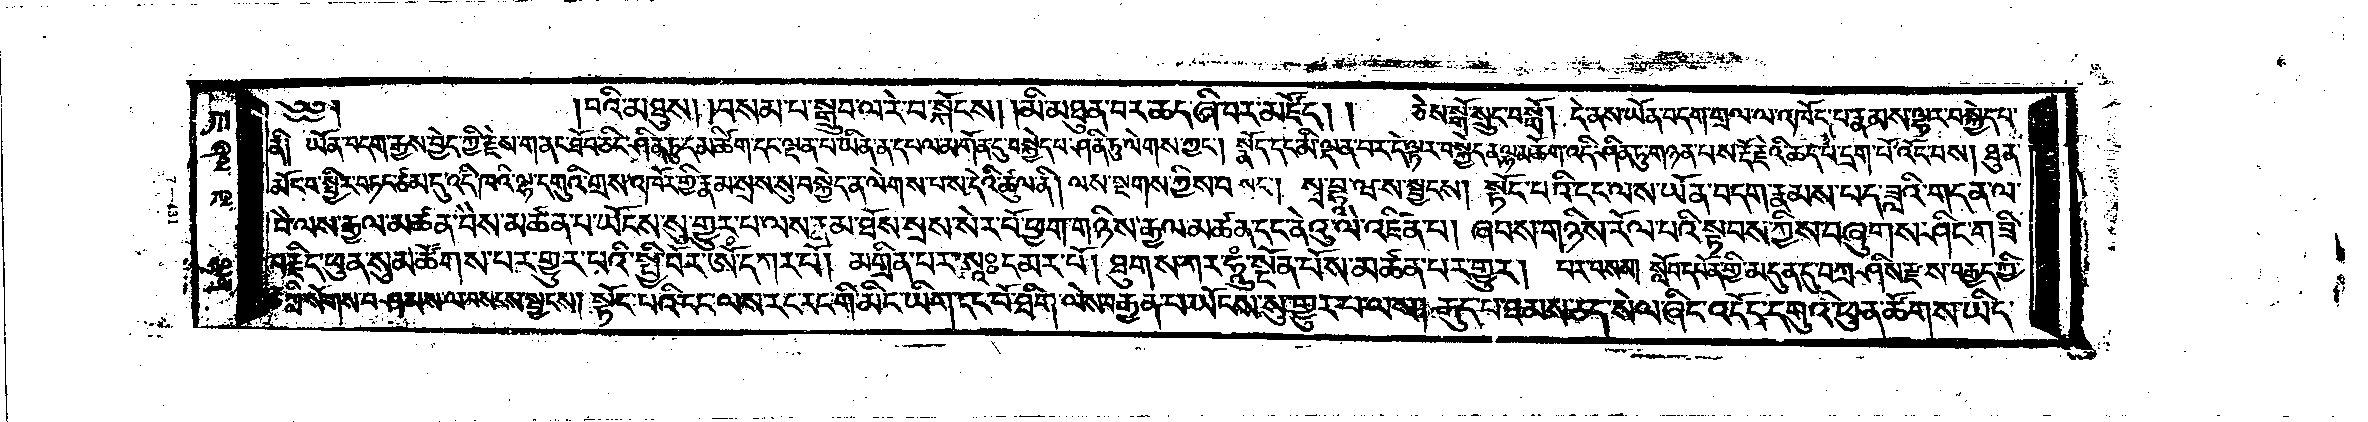༄༅། །བའི་མཐུས། །བསམ་པ་སྒྲུབ་ལ་རེ་བ་སྐོངས། །མི་མཐུན་བར་ཆད་ཞི་བར་མཛོད།། ཅེས་སྒོ་སྲུང་བསྒོ། །དེ་ནས་ཡོན་བདག་གྲལ་ལ་འཁོད་པ་རྣམས་ལྷར་བསྐྱེད་པ་
ནི༑ ཡོན་བདག་རྒྱས་བྱེད་ཀྱི་རྗེས་གནང་ཐོབ་ཅིང་ཤིན་ཏུ་དམ་ཚིག་དང་ལྡན་པ་ཡིན་ན་དཔལ་མགོན་དུ་བསྐྱེད་བ་ཤིན་ཏུ་ལེགས་ཀྱང་། སྣོད་དང་མི་ལྡན་བར་དེ་ལྟར་བསྐྱེད་ན་ལྷ་མཆོག་འདི་ཤིན་ཏུ་གཉན་པ་ས་རྡོ་རྗེའི་ཆད་པ་དྲག་པོ་འོང་བས། ཐུན་
མོང་བ་སྤྱིར་བཏང་ཙམ་དུ་འདི་ཁའི་ལྷ་དགུའི་གྲས་འཁོར་གྱིས་རྣམ་སྲས་སུ་བསྐྱེད་ན་ལེགས་པས་དེའི་ཚུལ་ནི། ལས་སྔགས་ཀྱིས་བསང་། སྭ་བྷཱ་ཝ་ས་སྦྱངས། སྟོང་པའི་ངང་ལས་ཡོན་བདག་རྣམས་པད་ཟླའི་གདན་ལ་
བཻ་ལས་རྒྱལ་མཚན་བཻས་མཚན་པ་ཡོངས་སུ་གྱུར་པ་ལས་རྣམ་ཐོས་སྲས་སེར་པོ་ཕྱག་གཉིས་རྒྱལ་མཚན་དང་ནེའུ་ལེ་འཛིན་པ། ཞབས་གཉིས་རོལ་པའི་སྟབས་ཀྱིས་བཞུགས་ཤིང་གཟི་
བརྗིད་ཕུན་སུམ་ཚོགས་པར་གྱུར་པའི་སྤྱི་བོར་ཨོཾ་དཀར་པོ། མགྲིན་པར་ཨཱཿ དམར་པོ། ཐུགས་ཀར་ཧཱུཾ་སྔོན་པོས་མཚན་པར་གྱུར། པར་བསམ། སློབ་དཔོན་གྱི་མདུན་དུ་བཀྲ་ཤིས་རྫས་བརྒྱད་ཀྱི་
ཙཀླི་སོགས་བཤམས་ལ་བསངས་སྦྱངས། སྟོང་པའི་ངང་ལས་རང་རང་གི་མིང་ཡིག་དང་པོ་ཐིག་ལེས་བརྒྱན་པ་ཡོངས་སུ་གྱུར་པ་ལས། རྒུད་པ་ཐམས་ཅད་སེལ་ཞིང་འདོད་དགུའི་ཕུན་ཚོགས་ཡིད་